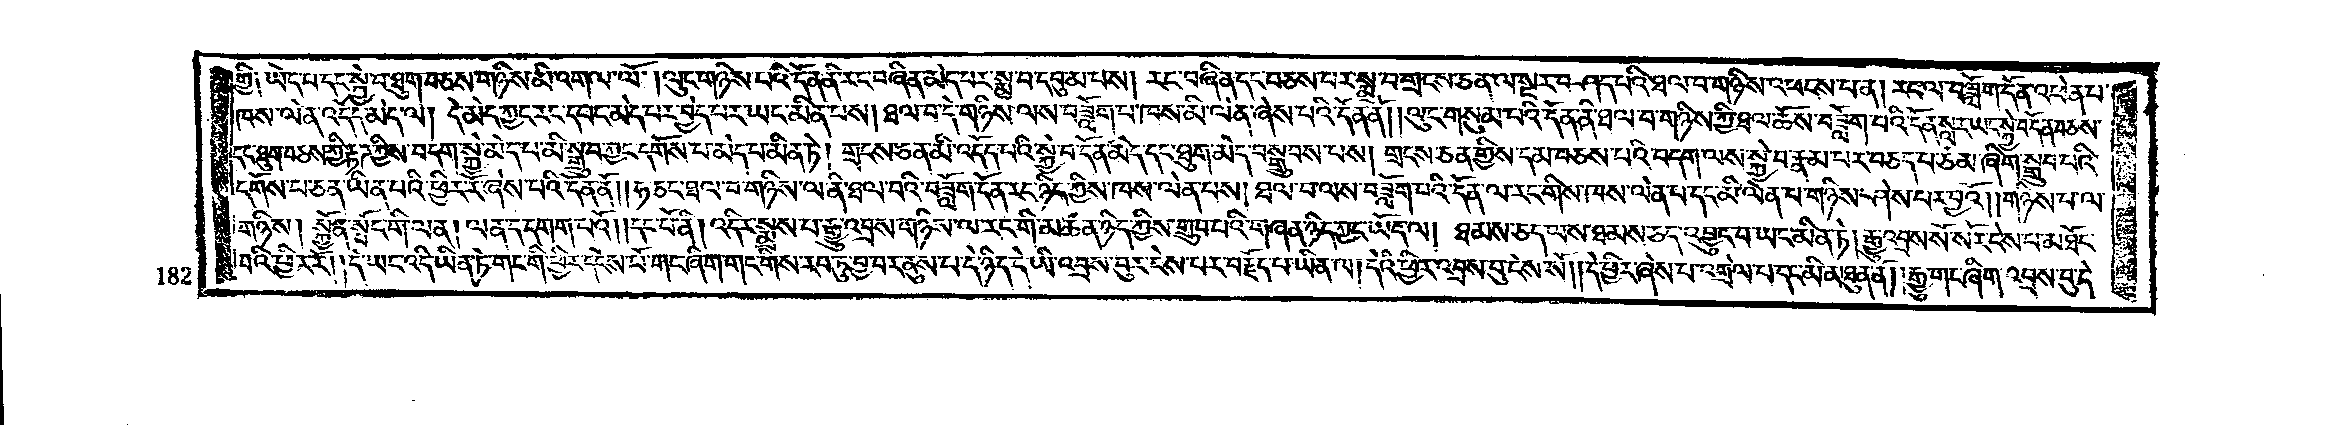གྱི། ཡོད་པ་དང་སྐྱེ་བ་ཐུག་བཅས་གཉིས་མི་འགལ་ལོ། །ལུང་གཉིས་པའི་དོན་ནི་རང་བཞིན་མེད་པར་སྨྲ་བ་དབུ་མ་པས། རང་བཞིན་དང་བཅས་པར་སྨྲ་བ་གྲངས་ཅན་ལ་སྔར་བཤད་པའི་ཐལ་བ་གཉིས་འཕངས་པ་ན། རང་ལ་བཟློག་དོན་འཕེན་པ་
ཁས་ལེན་འདོད་མེད་ལ། དེ་མེད་ཀྱང་རང་དབང་མེད་པར་བྱེད་པར་ཡང་མིན་པས། ཐལ་བ་དེ་གཉིས་ལས་བཟློག་པ་ཁས་མི་ལེན་ཞེས་པའི་དོན་ནོ། །ལུང་གསུམ་པའི་དོན་ནི་ཐལ་བ་གཉིས་ཀྱི་ཐལ་ཆོས་བཟློག་པའི་དོན་སླར་ཡང་སྐྱེ་བ་དོན་བཅས་
དང་ཐུག་བཅས་ཀྱི་རྟགས་ཀྱིས་བདག་སྐྱེ་མེད་པ་མི་སྒྲུབ་ཀྱང་དགོས་པ་མེད་པ་མིན་ཏེ། གྲངས་ཅན་མི་འདོད་པའི་སྐྱེ་བ་དོན་མེད་དང་ཐུག་མེད་བསྒྲུབས་པས། གྲངས་ཅན་གྱིས་དམ་བཅས་པའི་བདག་ལས་སྐྱེ་བ་རྣམ་པར་བཅད་པ་ཙམ་ཞིག་སྒྲུབ་པའི་
དགོས་པ་ཅན་ཡིན་པའི་ཕྱིར་རོ་ཞེས་པའི་དོན་ནོ། །ཧ་ཅང་ཐལ་བ་གཉིས་ལ་ནི་ཐལ་བའི་བཟློག་དོན་རང་ཉིད་ཀྱིས་ཁས་ལེན་པས། ཐལ་བ་ལས་བཟློག་པའི་དོན་ལ་རང་གིས་ཁས་ལེན་པ་དང་མི་ལེན་པ་གཉིས་ཤེས་པར་བྱའོ། །གཉིས་པ་ལ་
གཉིས། སྐྱོན་སྤོང་གི་ལན། ལན་དེ་དགག་པའོ། །དང་པོ་ནི། འདིར་སྨྲས་པ་རྒྱུ་འབྲས་གཉིས་ལ་རང་གི་མཚན་ཉིད་ཀྱིས་གྲུབ་པའི་གཞན་ཉིས་ཀྱང་ཡོད་ལ། ཐམས་ཅད་ལས་ཐམས་ཅད་འབྱུང་བ་ཡང་མིན་ཏེ། རྒྱུ་འབྲས་སོ་སོར་ངེས་པ་མཐོང་
བའི་ཕྱིར་རོ། །དེ་ཡང་འདི་ཡིན་ཏེ་གང་གི་ཕྱིར་དངོས་པོ་གང་ཞིག་གང་གིས་རབ་ཏུ་བྱ་བར་ནུས་པ་དེ་ཉིད་དེ་ཡི་འབྲས་བུར་ངེས་པར་བརྗོད་པ་ཡིན་ལ། དེའི་ཕྱིར་འབྲས་བུ་ངེས་སོ། །དེ་ཕྱིར་ཞེས་པ་འགྲེལ་པ་དང་མི་མཐུན་ནོ། །རྒྱུ་གང་ཞིག་འབྲས་བུ་དེ་